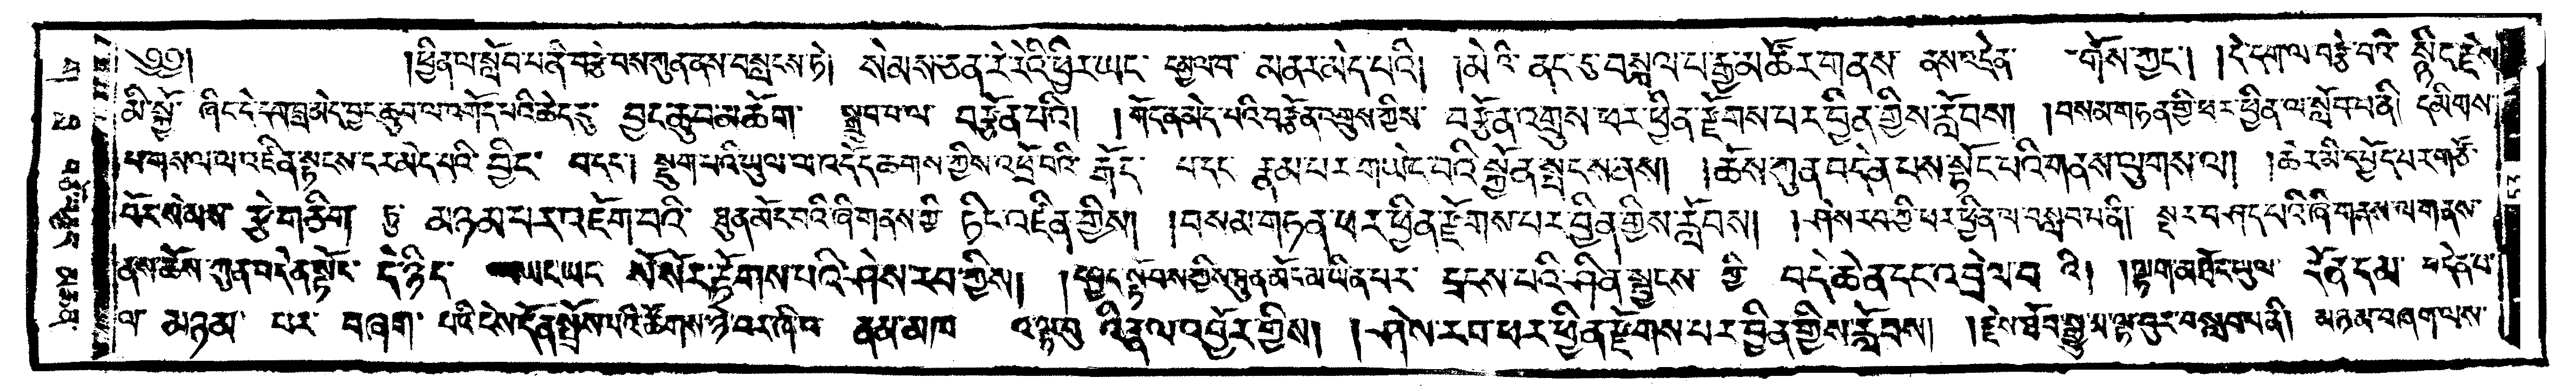༄༅། །ཕྱིན་ལ་སློབ་པ་ནི་བརྩེ་བས་ཀུན་ནས་བསླངས་ཏེ། སེམས་ཅན་རེ་རེའི་ཕྱིར་ཡང་དམྱལ་བ་མནར་མེད་པའི། །མེའི་ནང་དུ་བསྐལ་པ་རྒྱ་མཚོར་གནས་ནས་འདྲེན་གོས་ཀྱང་། །དེ་དག་ལ་བརྩེ་པའི་སྙིང་རྗེས་
མི་སྐྱོ་ཞིང་དེ་དག་བླ་མེད་བྱང་ཆུབ་ལ་འགོད་པའི་ཆེད་དུ་བྱང་ཆུབ་མཆོག་སྒྲུབ་པ་ལ་བརྩོན་པའི། །གོང་ན་མེད་པའི་བརྩོན་འགྲུས་ཀྱིས་བརྩོན་འགྲུས་ཕར་ཕྱིན་རྫོགས་པར་བྱིན་གྱིས་རློབས། །བསམ་གཏན་གྱི་ཕར་ཕྱིན་ལ་སློབ་པ་ནི། དམིགས་
པ་གསལ་ལ་འཛིན་སྟངས་དར་མེད་པའི་བྱིང་བ་དང་། སྡུག་པའི་ཡུལ་ལ་འདོད་ཆགས་ཀྱིས་འཕྲོ་བའི་རྒོད་པ་དང་རྣམ་པར་གཡེང་པའི་སྐྱོན་སྤངས་ནས། །ཆོས་ཀུན་བདེན་པས་སྟོང་པའི་གནས་ལུགས་ལ། །ཆེར་མི་དཔྱོད་པར་གཙོ་
པོར་སེམས་རྩེ་གཅིག་ཏུ་མཉམ་པར་འཇོག་བའི་ཐུན་མོང་བའི་ཞི་གནས་ཀྱི་ཏིང་འཛིན་གྱིས། །བསམ་གཏན་ཕར་ཕྱིན་རྫོགས་པར་བྱིན་གྱིས་རློབས། །ཤེས་རབ་ཀྱི་ཕར་ཕྱིན་ལ་བསླབ་པ་ནི། སྔར་བཤད་པའི་ཞི་གནས་ལ་གནས་
ནས་ཆོས་ཀུན་བདེན་སྟོང་དེ་ཉིད་ཡང་ཡང་སོ་སོར་རྟོགས་པའི་ཤེས་རབ་ཀྱིས། །དབྱང་སྟོབས་ཀྱིས་ཐུན་མོང་མ་ཡིན་པར་དྲངས་པའི་ཤིན་སྤྱངས་ཀྱི་བདེ་ཆེན་དང་འབྲེལ་བའི། །ལྷག་མཐོང་ཕུལ་དོན་དམ་བདེན་པ་
ལ་མཉམ་པར་བཞག་པའི་ངེས་དོན་སྤྲོས་པའི་ཚོགས་ཉེ་བར་ཞི་བ་ནམ་མཁའ་ལྟ་བུའི་རྣལ་འབྱོར་གྱིས། །ཤེས་རབ་ཕར་ཕྱིན་རྫོགས་པར་བྱིན་གྱིས་རློབས། །རྗེས་ཐོབ་སྒྱུ་མ་ལྟ་བུར་བསླབ་པ་ནི། མཉམ་བཞག་ལས་